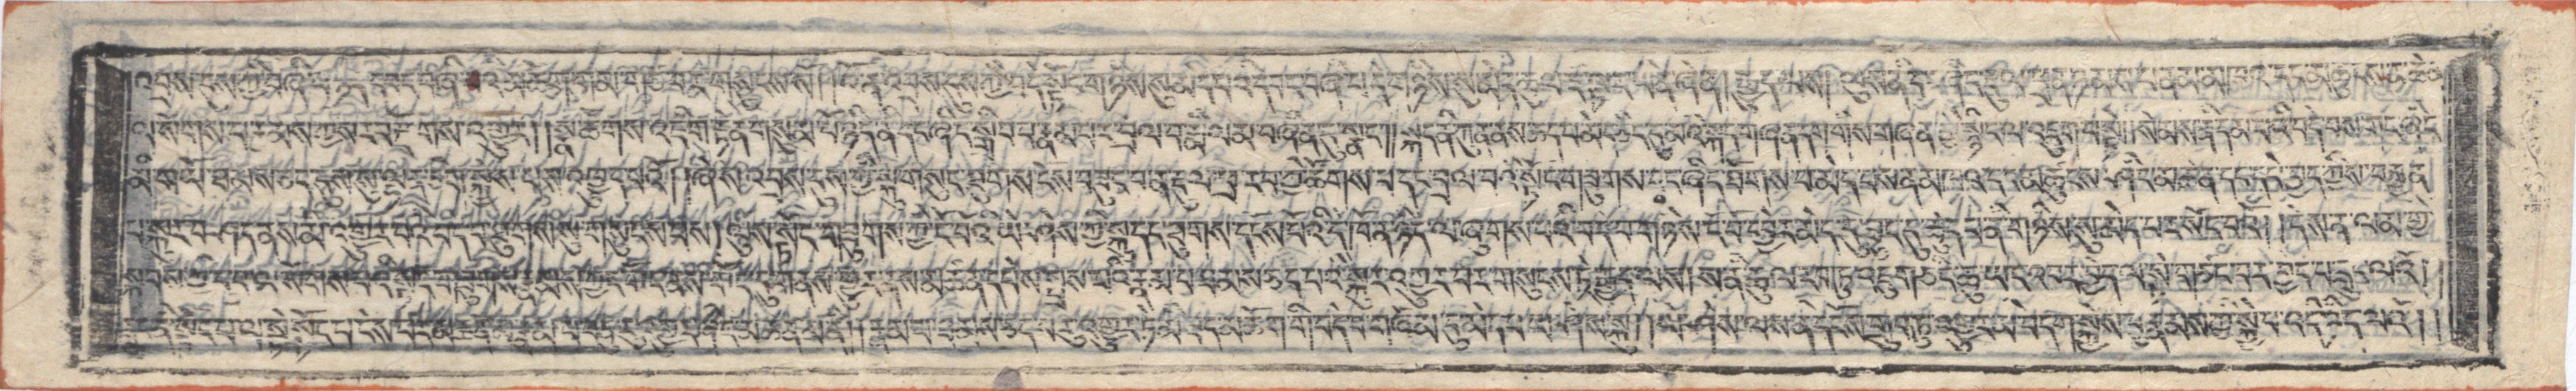འབྲས་དུས་ཀྱི་བཞི་པ་རྙེད་?་དབང་བཞི་པའི་མཆོག་གམ་གཙོ་བར་གསུངས་སོ། །འོ་ན་འབྲས་དུས་ཀྱི་བདེ་སྟོང་གཉིས་སུ་མེད་པའི་དབང་བཞི་པ་དེ་གཉིས་སུ་མེད་ཚུལ་ཇི་ལྟར་ཡིན་ཞེ་ན། རྒྱུད་ལས། ལུས་ནི་དང་ཞིང་རྡུལ་ཕྲན་ཉམས་པ་ནམ་མཁའ་དང་མཚུངས་མ་ཆེན་
ལ་སོགས་པ་རྣམས་ཀྱིས་རབ་རྫོགས་འགྱུར། །སྣ་ཚོགས་འཇིག་རྟེན་གསུམ་པོ་ཉིད་ནི་དང་ཞིང་སྒྲིབ་པ་རྣམ་པར་བྲལ་བ་རྨི་ལམ་བཞིན་དུ་སྣང་། །སྐད་ནི་ཀུན་ནས་ཆད་པ་མེད་ཅིང་དུ་མའི་སྐད་གཞན་དག་གིས་གཞན་གྱི་སྙིང་ལ་འཇུག་པ་སྟེ། །སེམས་ནི་དམ་པའི་བདེ་བས་གང་ཞིང་
མི་གཡོ་ཐམས་ཅད་དུས་སུ་ལྷན་ཅིག་སྐྱེས་པས་འཁྱུད་པའོ། །ཞེས་འབྲས་དུས་ཀྱི་སྐུ་གསུང་ཐུགས་ངོས་བཟུང་བ་ན་རྡུལ་ཕྲ་རབ་ཀྱི་ཚོགས་པ་དང་བྲལ་བའི་སྟོང་གཟུགས་དང་ཞིང་ཐོགས་པ་མེད་པས་ནམ་མཁའ་དང་མཚུངས་ཤིང་མཚན་དང་དཔེ་བྱད་ཀྱིས་བརྒྱན་
པ་སྐུར་བཤད་ནས་མི་འགྱུར་བའི་བདེ་བ་ཐུགས་སུ་གསུངས་པས། ལུས་སྟོང་གཟུགས་ཀྱི་ངོ་བོའི་ཡེ་ཤེས་ཀྱི་སྐུ་དང་ཐུགས་དངོས་པོའི་དེ་ཁོ་ན་ཉིད་ལ་ཞུགས་པའི་བདེ་བ་གཉིས་ངོ་བོ་དབྱེར་མེད་དུ་ཟུང་དུ་ཚུད་པ་ནི་གཉིས་སུ་མེད་པར་སོང་བའོ། །དེས་ན་ལམ་གྱི་
སྐབས་ཀྱི་དུ་པ་ལ་སོགས་པའི་སྟང་གཟུགས་རྣམས་ཀྱང་གོང་ནས་གོང་དུ་གནས་གྱུར་ནས་མཚན་དཔེས་སྤྲས་པའི་རྣམ་པ་ཐམས་ཅད་པའི་སྐུར་འགྱུར་བར་གསུངས་ཏེ་རྒྱུད་ལས། ས་ནི་ཚུལ་རབ་ཏུ་འཇུག་ཅིང་ཆུ་ཡང་འབར་བྱེད་ལ་སྟེ་གཙང་བར་བྱེད་པ་རླུང་ལའོ། །
རླུང་ནི་སྟོང་པ་ལ་སྟེ་སྟོང་པ་ངེས་པར་མཚན་མ་རྣམ་པ་བཅུ་རུ་འགྱུར་ཞིང་མཚན་མ་ནི། །རྣམ་པ་ཐམས་ཅད་པ་?་རུ་འགྱུར་ཏེ་མི་ཟད་མཆོག་གི་བདེ་བ་གཞོམ་དུ་མེད་པ་ཡེ་ཤེས་སྐུ། །ཡེ་ཤེས་ལས་ནི་དངོས་གྲུབ་ཏུ་འགྱུར་མི་བདག་སྐྱེས་བུ་རྣམས་ཀྱི་སྐྱེ་པ་འདི་ཉིད་ལའོ། །